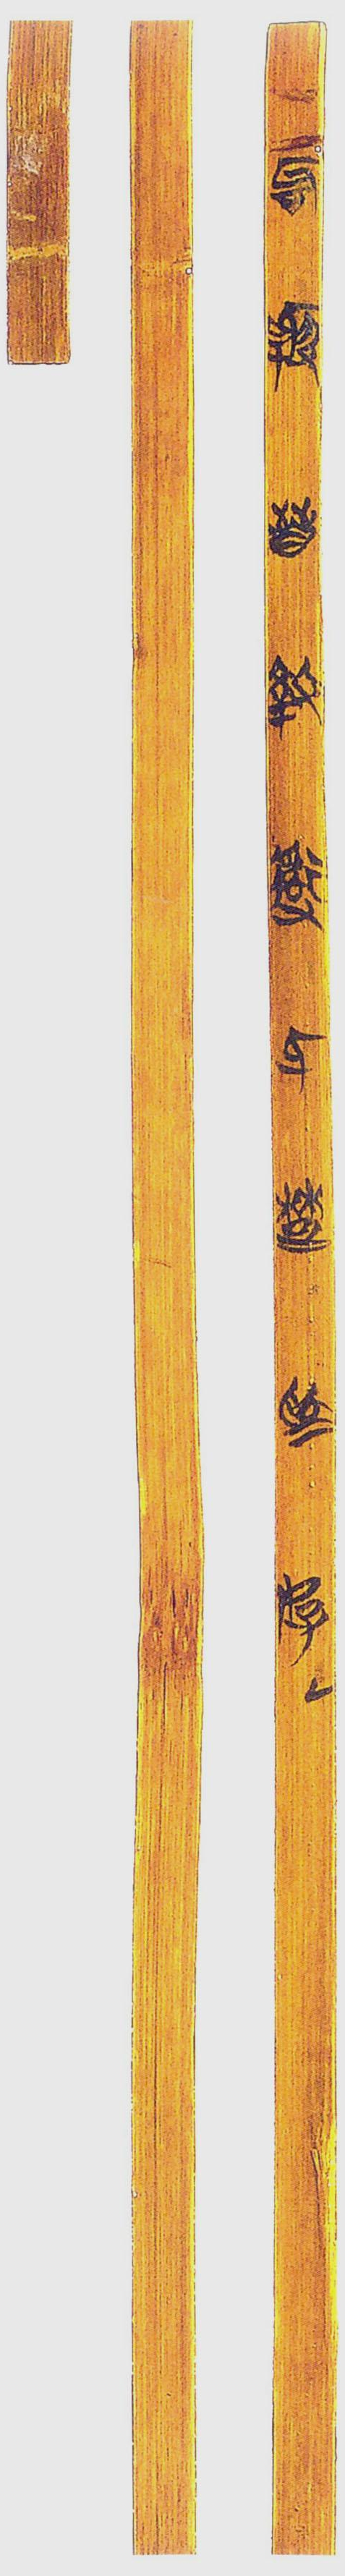{㠯ㅋ}與晉{幸攴}{行亂}与楚爲好
